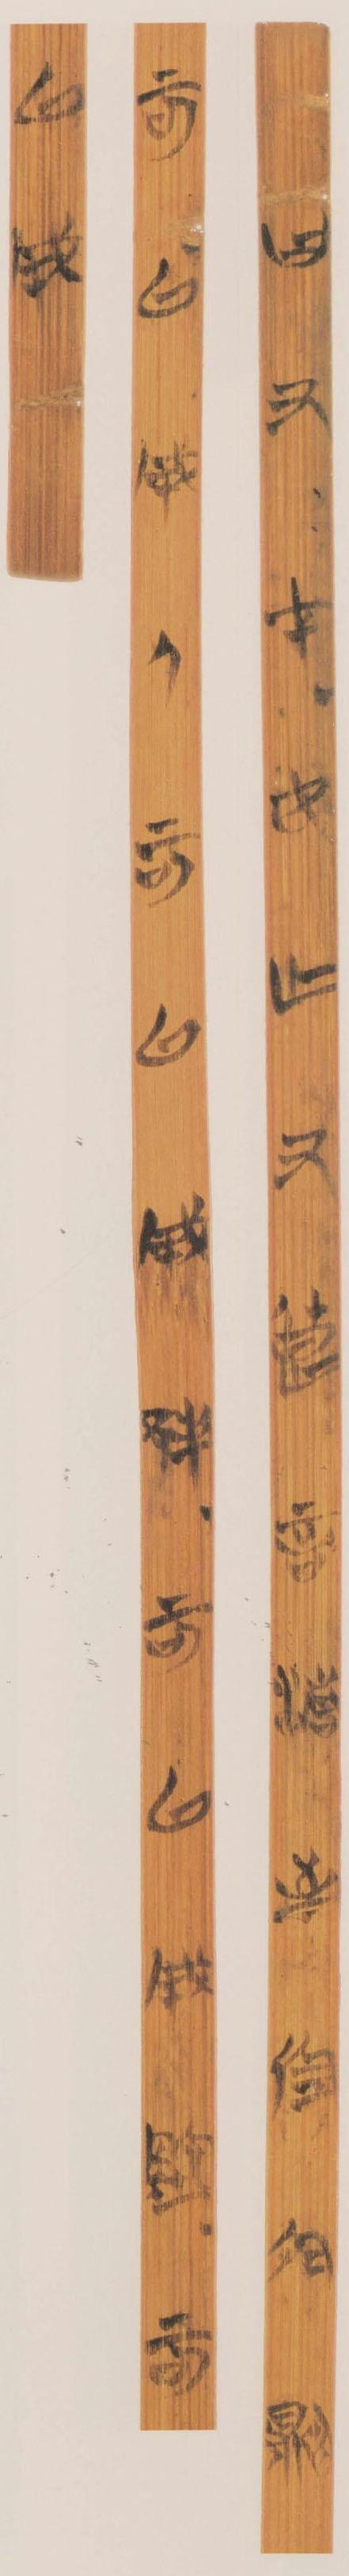曰又才女亡又良言清至於今則可㠯（以）成人可㠯（以）成邦可㠯（以）成地可㠯（以）成
